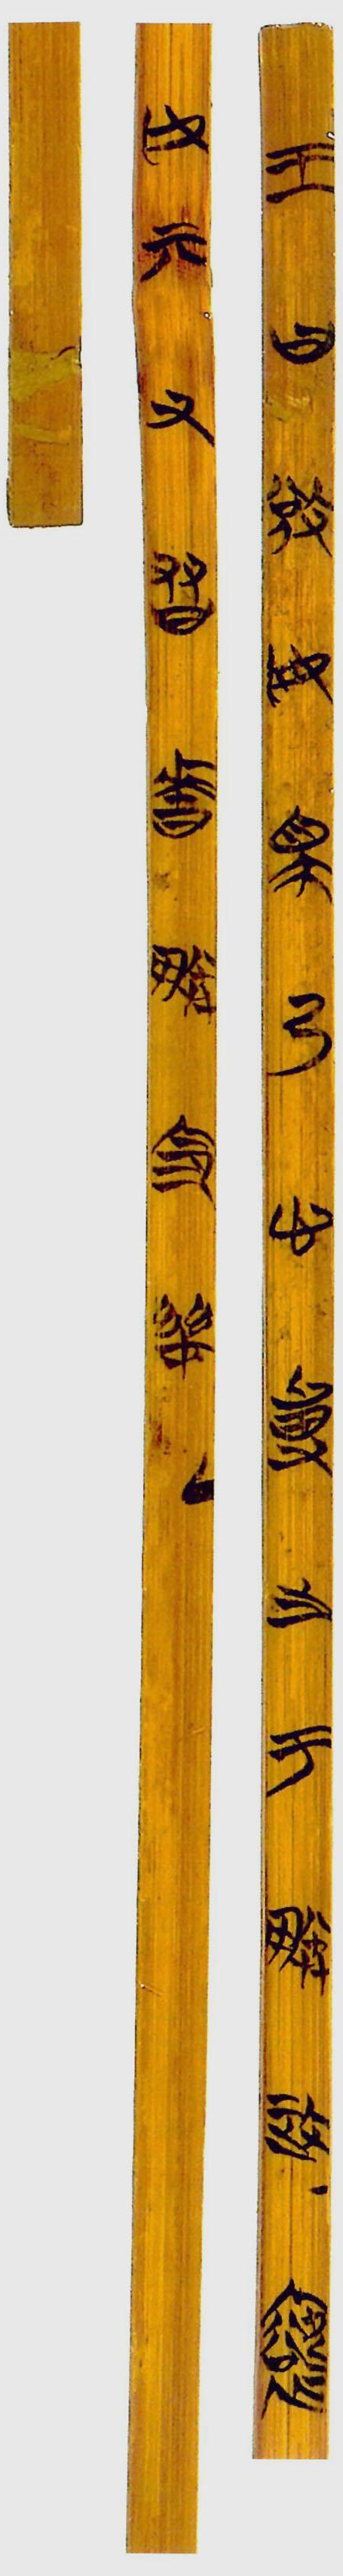王曰敓（說）母蜀乃心尃之于朕政{衣欲}（欲）女亓又{友日}{来日}朕命𪪋（哉）
